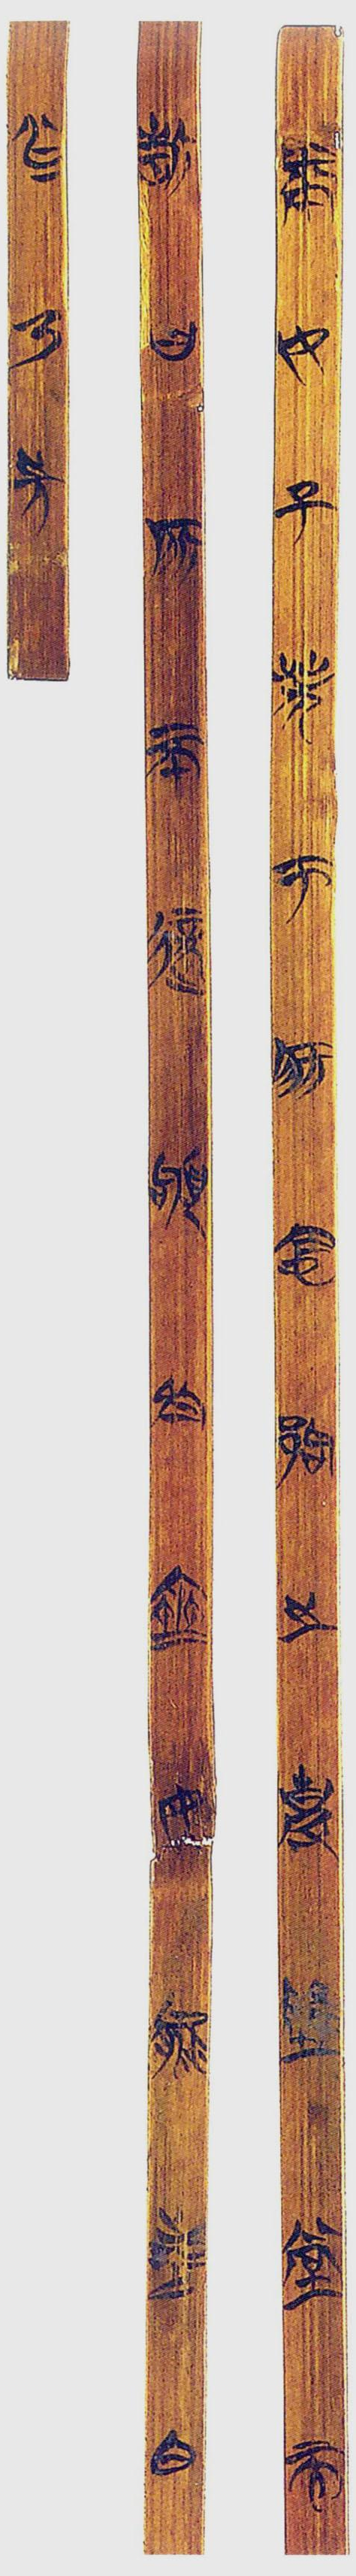㡀女子{艹犬}于房𠁩邭之尅{降土}堂而折曰所不復{句頁}於齊母能涉白水乃先
